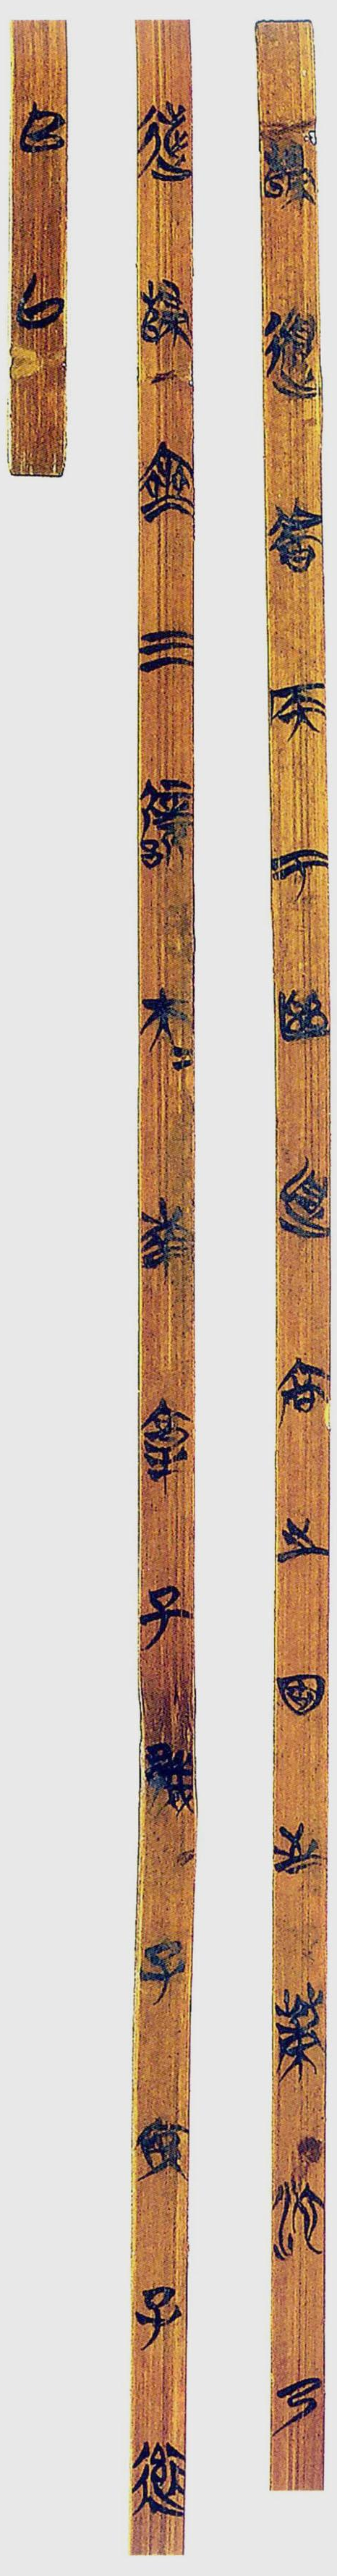{𡴎帚}{辶須}者侯于{𠃊𢆶}{首止}高之固至莆池乃逃{𡴎帚}齊三辟夫=南𩫏子{戔阝}子安子{行幺止}𠂤㠯（以）
